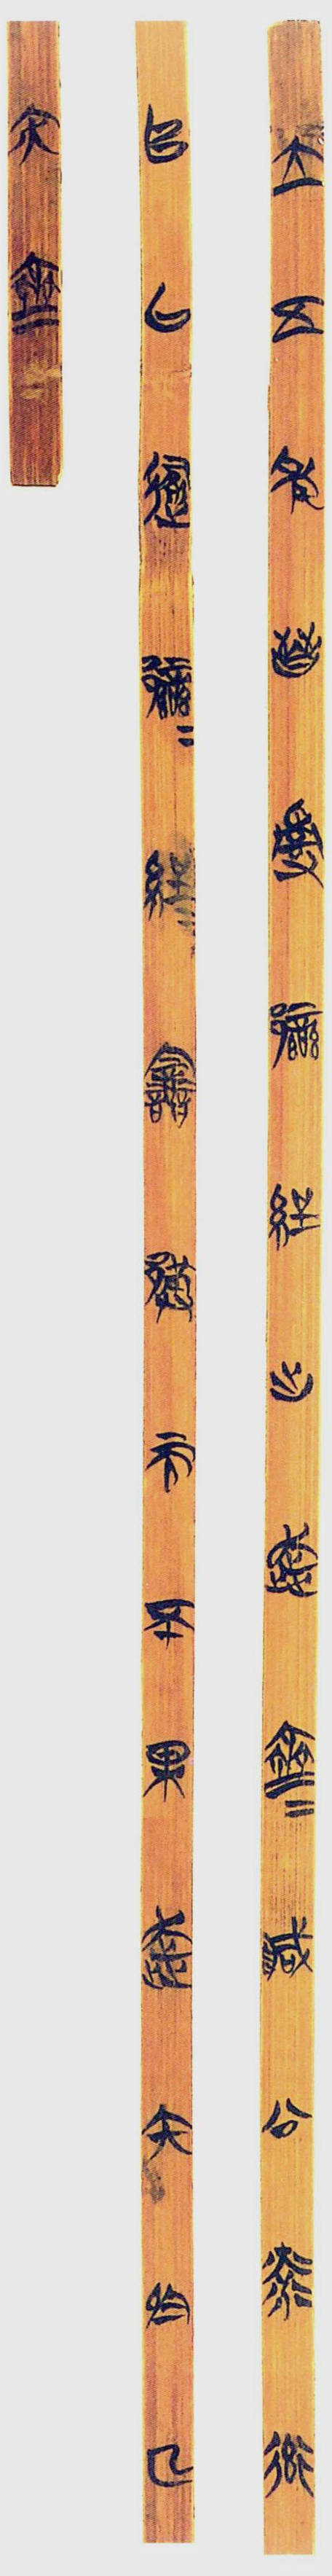立五年晉𤔔{邑䜌}{糸呈}出奔齊=戕公光率𠂤㠯（以）逐{邑䜌}={糸呈}={宀言言言}巷而不果奔內於曲夭齊
